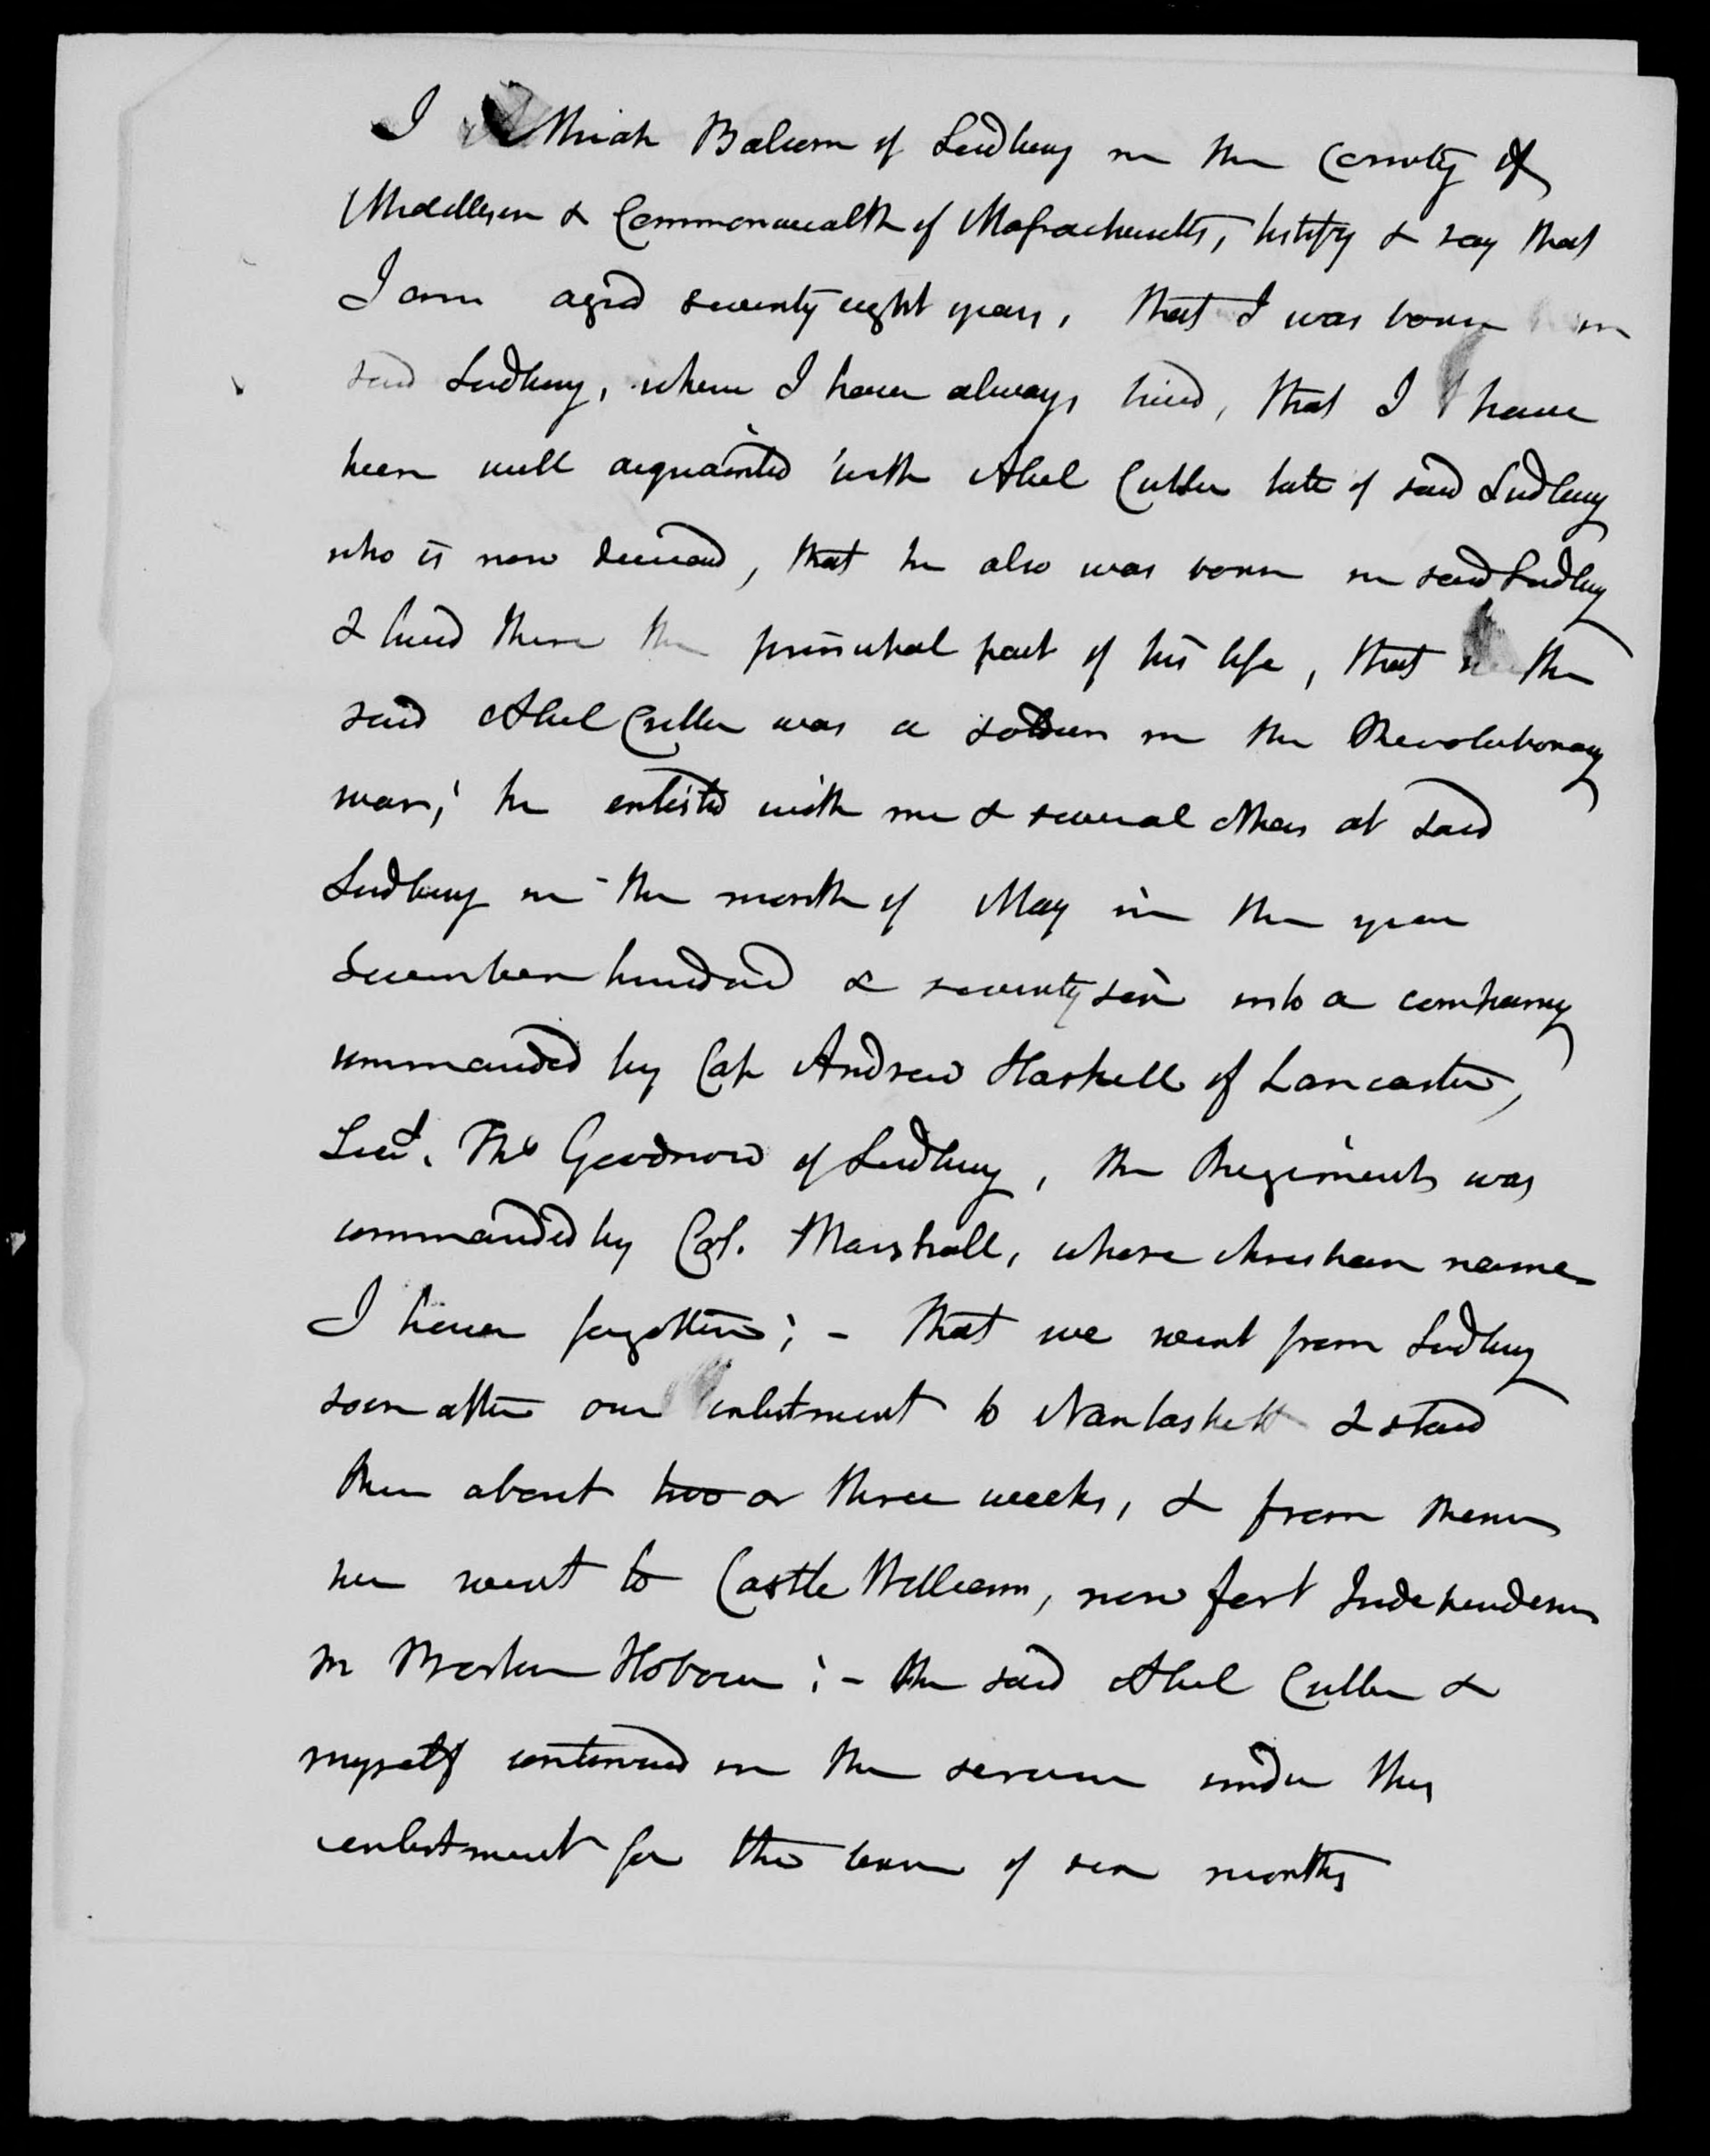I, Micah Balcom of Sudbury in the county of Middlesex and Commonwealth of Massachusetts testify and say that I am aged 78 years, that I was born in said Sudbury where I have always lived, that I have been well acquainted with Abel Cutler late of said Sudbury who is now deceased, that he also was born in said Sudbury and lived there the principal part of his life, that the said Abel Cutler was a soldier in the Revolutionary war; he enlisted with me and several others at said Sudbury in the month of May in the year 1776 into a company commanded by Capt Andrew Haskell of Lancaster, Lieut. Theo Goodnow of Sudbury, the regiment was commanded by Col. Marshall, whose first name I have forgotten; that we went from Sudbury soon after our enlistment to Nantuckett and stayed there about two or three weeks and from there we went to Castle William, now Fort Independence, with Morton Hoborn: the said Abel Cutler and myself continued in the service under the enlistment for the term of ten months.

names: Abel Cutler, Tho Goodnow, Abel Cutler, Andrew Hashell, Marshall, Morton Hoborn, Micah Balcom, Abel Cutler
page: 21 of 22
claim: widow's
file: W. 14,552, Abel Cutler, Mass.